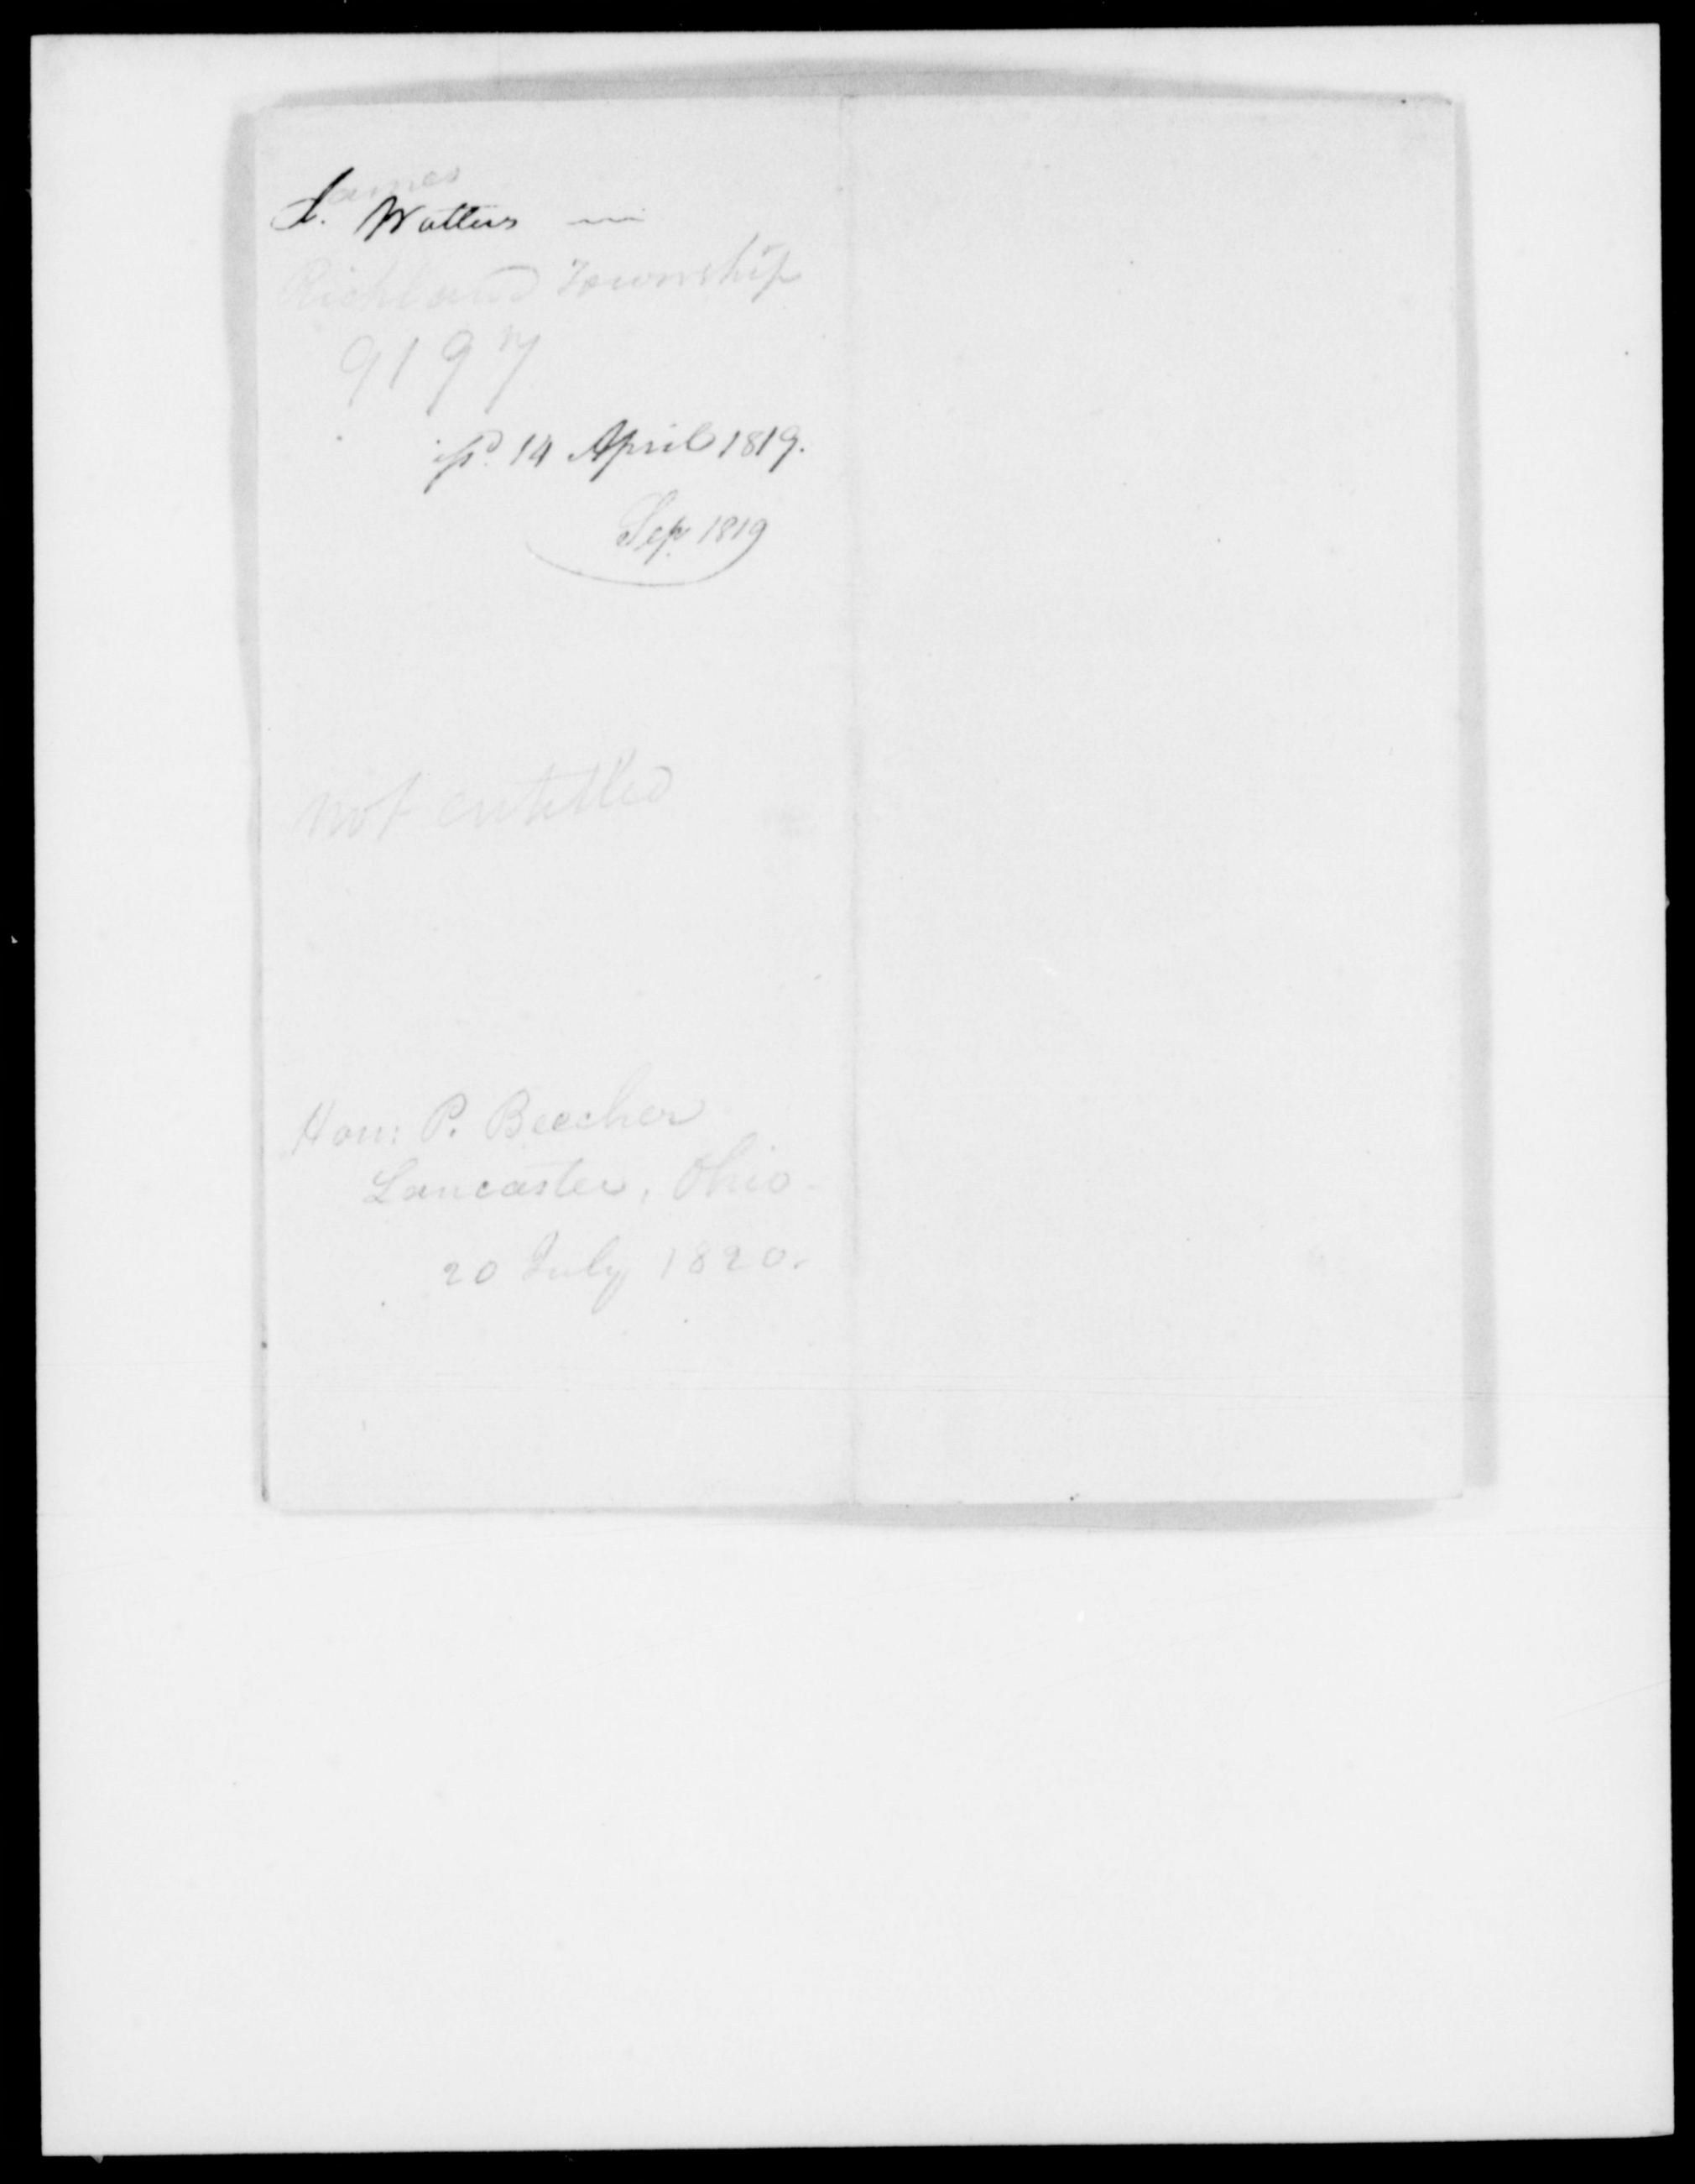James Watters
Richland Township
9197
ss  14 April 1819.
Sep. 1819
not entitled
Hon: P. Beecher
Lancaster, ohio
20 July 1820.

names: P Beecher, James Watters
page: 13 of 29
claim: survivor's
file: S. 40642, James Waters, Continental (Md)